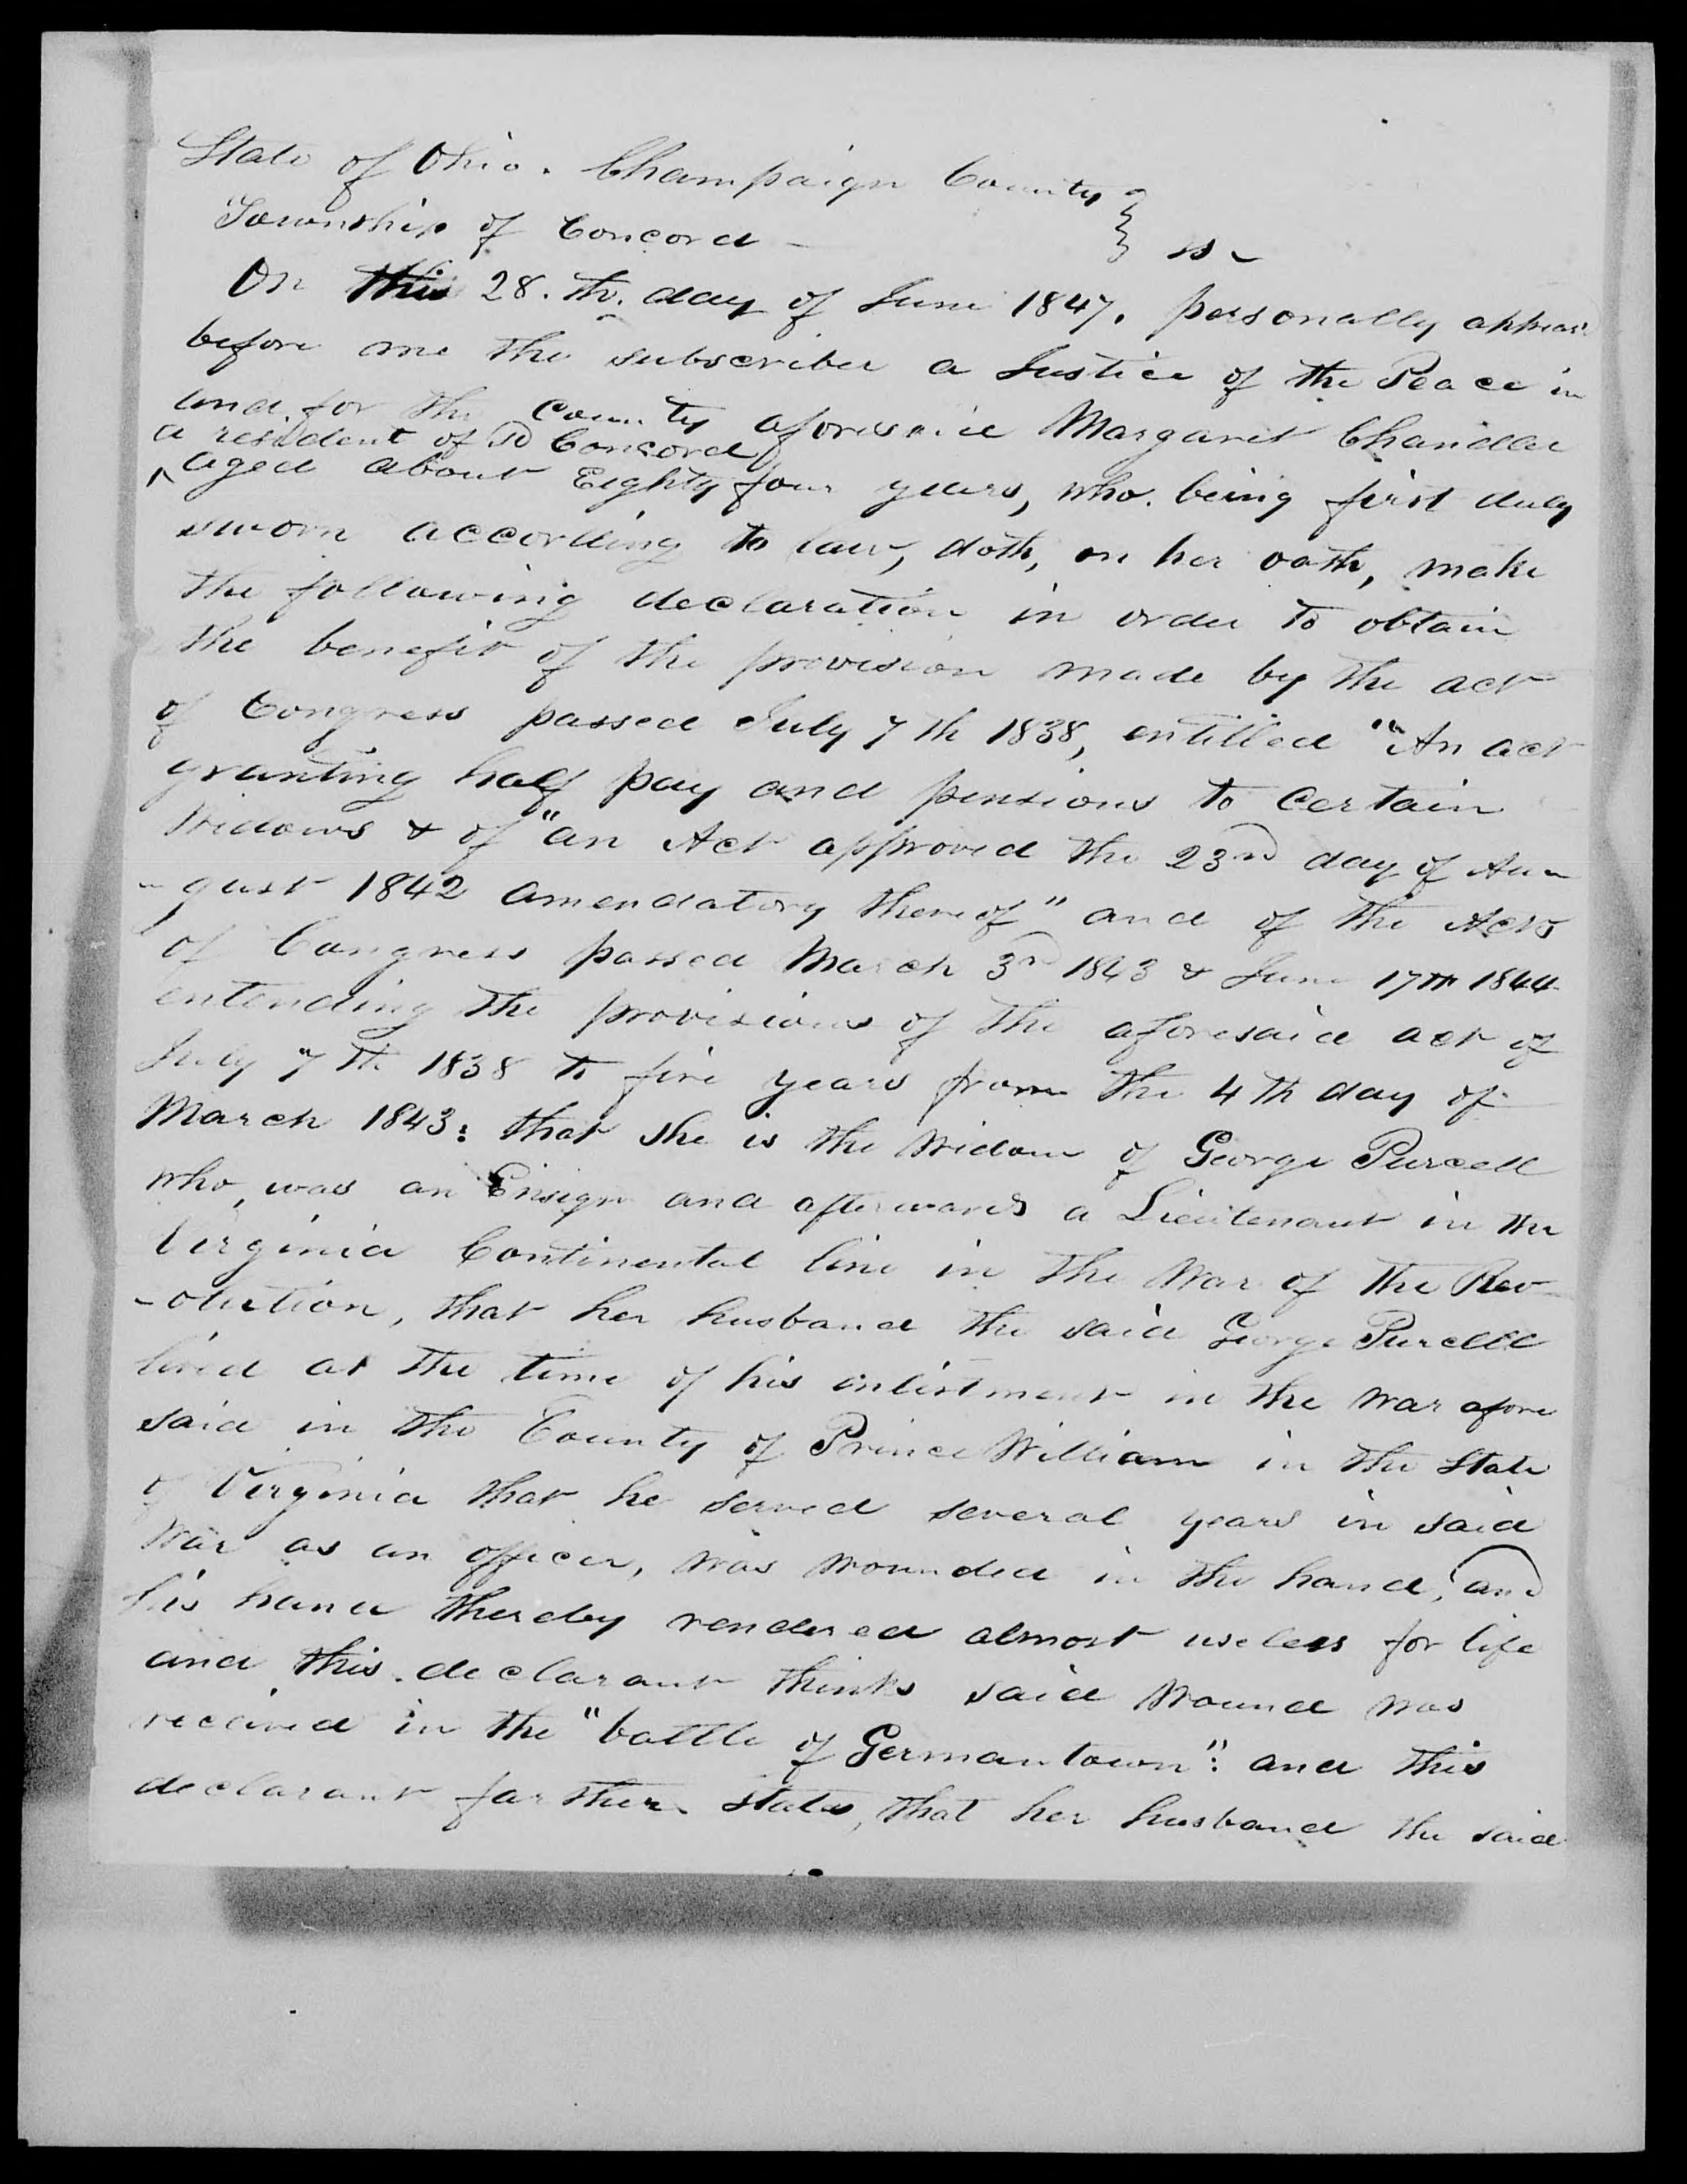State of Ohio. Champaign County}
Township of Concord -} SS
On this 28th day of June 1847, personally appeared before me the subscriber a Justice of the Peace in and for the County aforesaid Margaret Chandler a resident of sd Concord
Aged about Eighty four years, who being first duly sworn according to law, doth, on her oath, make the following declaration in order to obtain the benefit of the provision made by the Act of Congress passed July 7th 1838, entitled "An Act granting half pay and pensions to Certain widows & of "An Act approved the 23rd day of August 1842 Amendatory thereof" and of the ACts of Congress passed March 3rd 1843 & June 17th 1844. extending the provisions of the aforesaid Act of July 7th 1838: that she is the Widow of George Purcell who was an Ensign and afterwards a Lieutenant in the Virginia Continental line in the War of the Revolution, that her husband the said George Purcell lived at the time of his enlistment in the War aforesaid in the County of Prince William in the State of Virginia that he served several years in said War as an officer, was wounded in the hand, and his hand thereby rendered almost useless for life and this declarant thinks said Wound was received in the "battle of Germantown": and this declarant farther states, that her husband the said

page: 4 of 86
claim: widow's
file: W. 6661, for George Purcell, Virginia